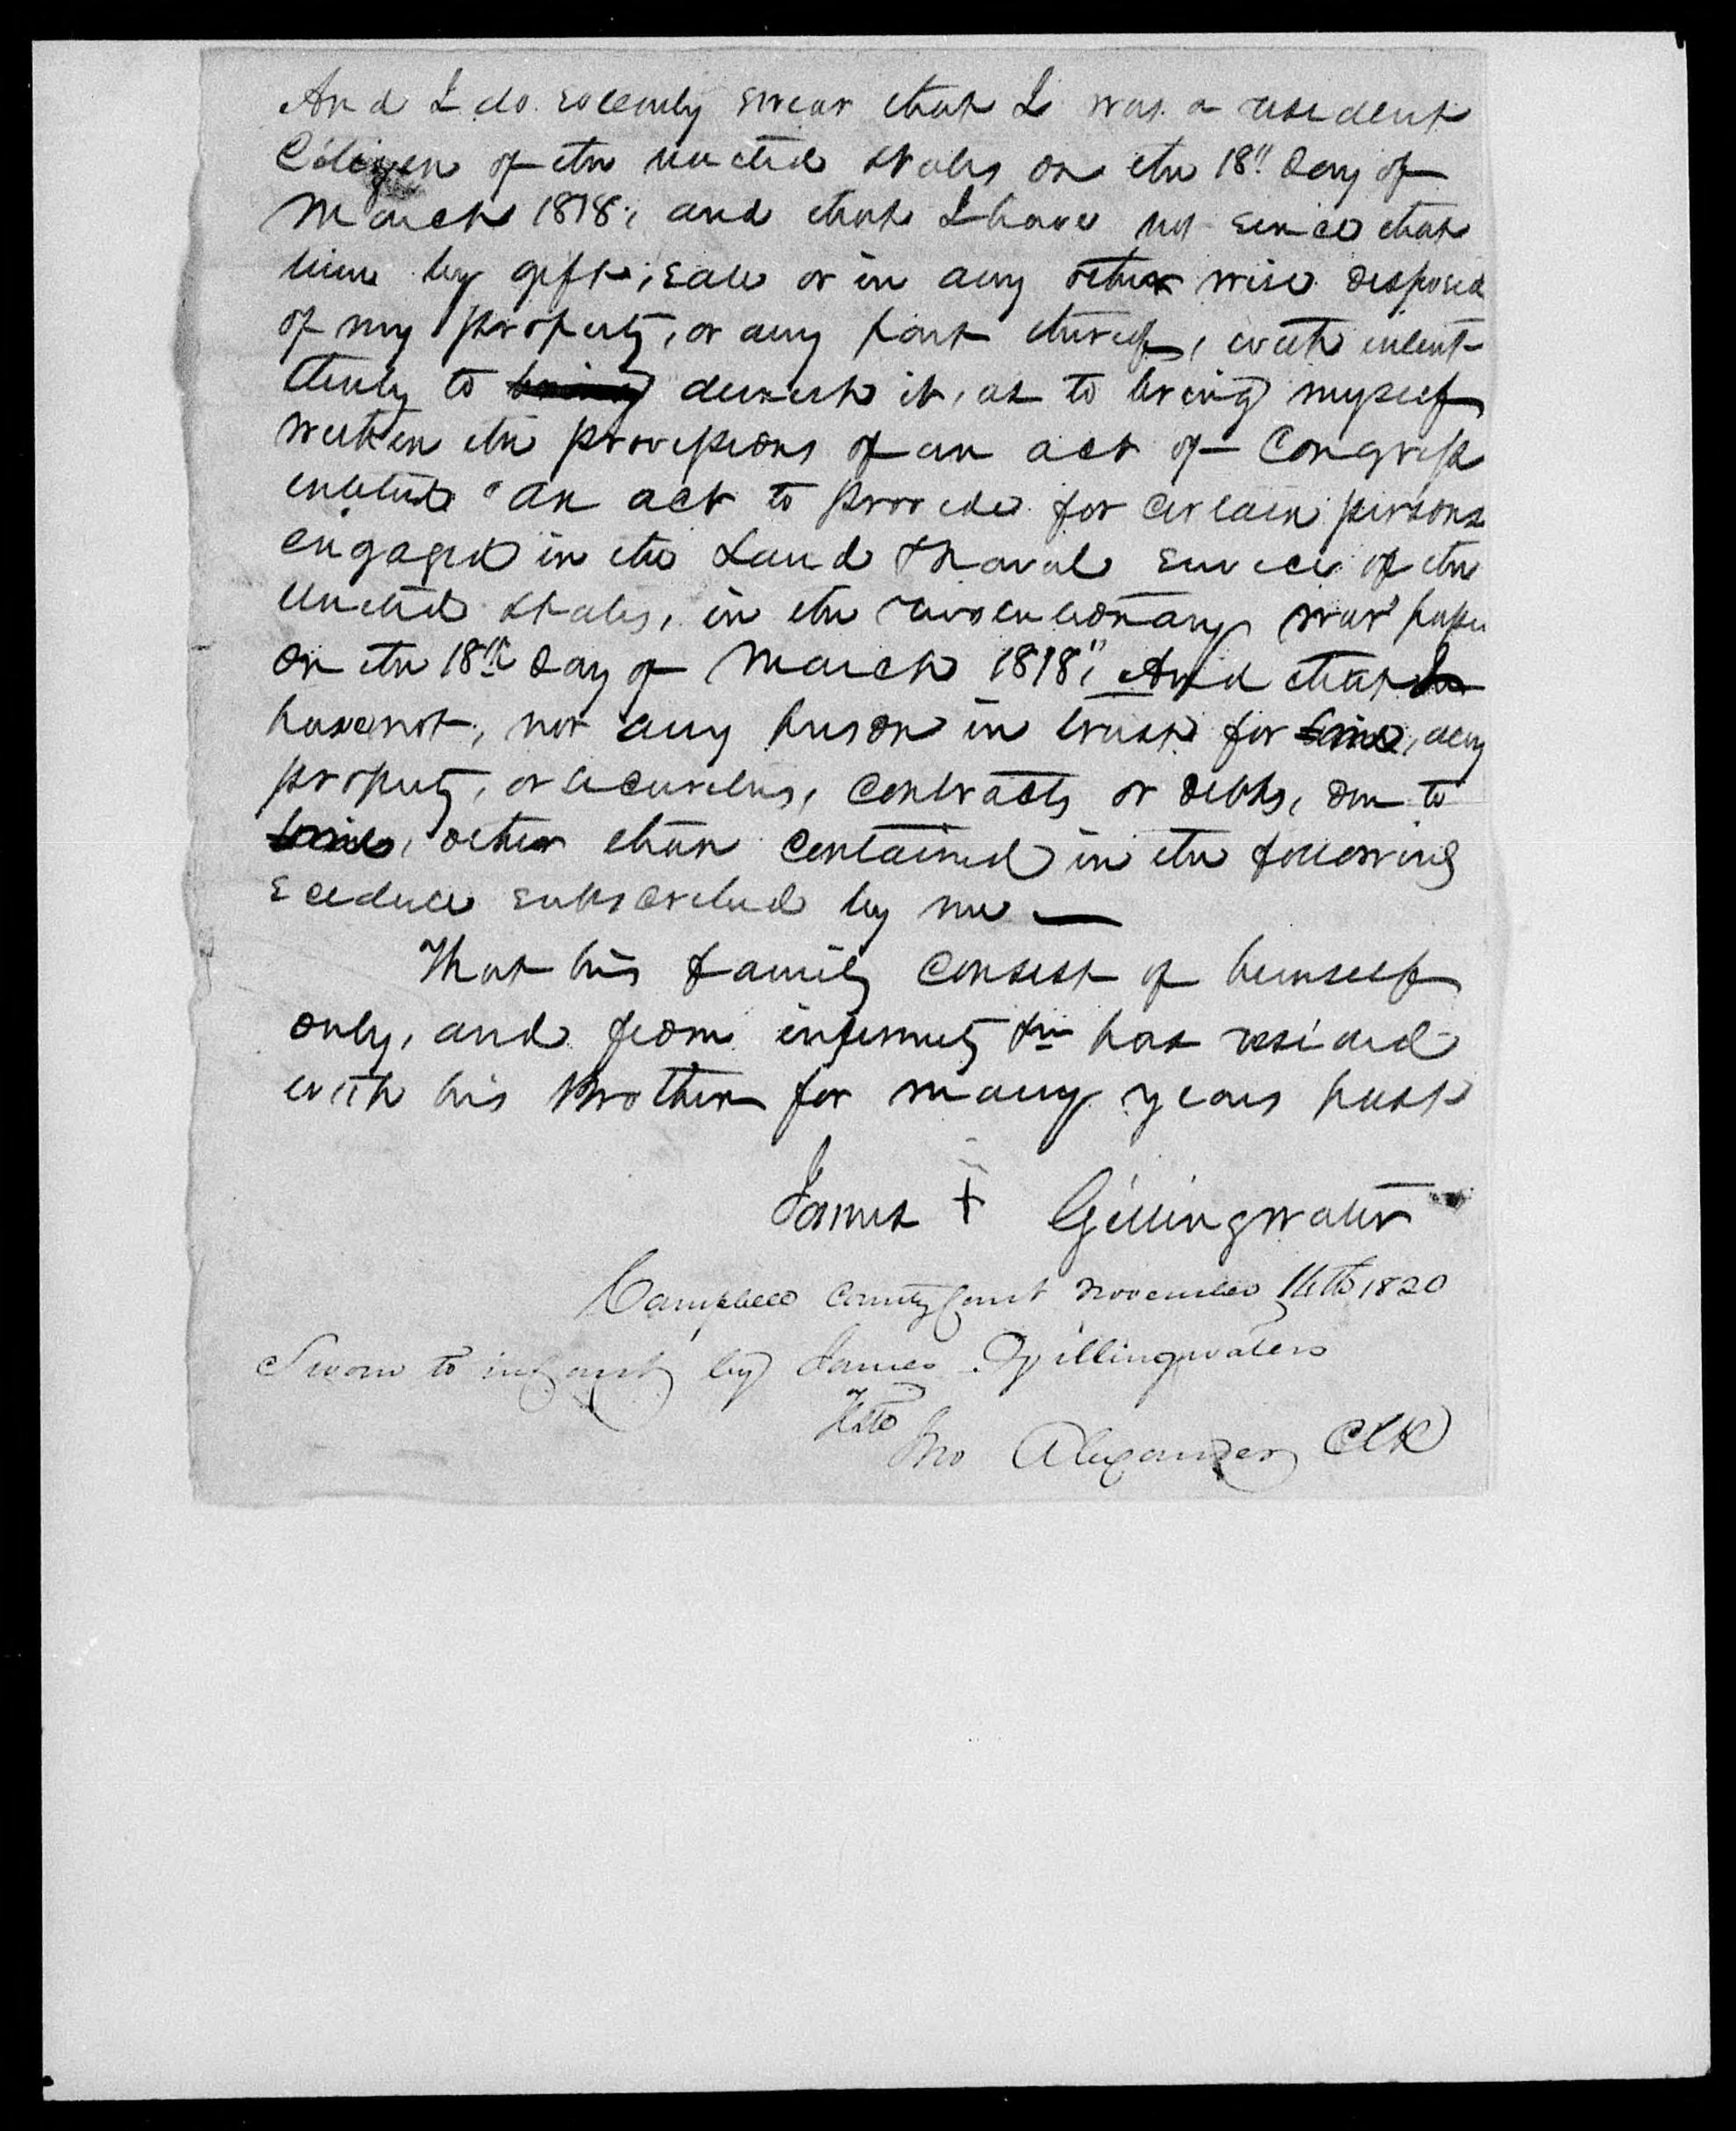And I do solemnly swear that I was a resident citizen of the [illegible] state on the 18 day of March 1818; and that I have not since that time by gift, sale or in any other wise disposed of my property, or any part thereof, with intently to diminish it, as to bring myself [illegible] the provisions of an act of Congress entitled "An act to provide for certain persons engaged in the Land & Naval services of the United States, in the revolutionary war passed on the 18th day of March 1818". and that I have not, nor any person in trust for any property, or acounting, contracts or debts, own to me, other than contained in the following evidence subscribed by me.
     That his family consist of himself only, and from infirmity he has resided with his brother for many years past
     James + Gillingwater
Campbell County Court November [illegible] 1820
Sworn to in [illegible] by James Gillingwater 
     Jno Alexander Clk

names: Jno Alexander, James Gillingwater, James Gillingwater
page: 6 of 36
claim: survivor's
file: S. 39570, James Gillingwater, Va.